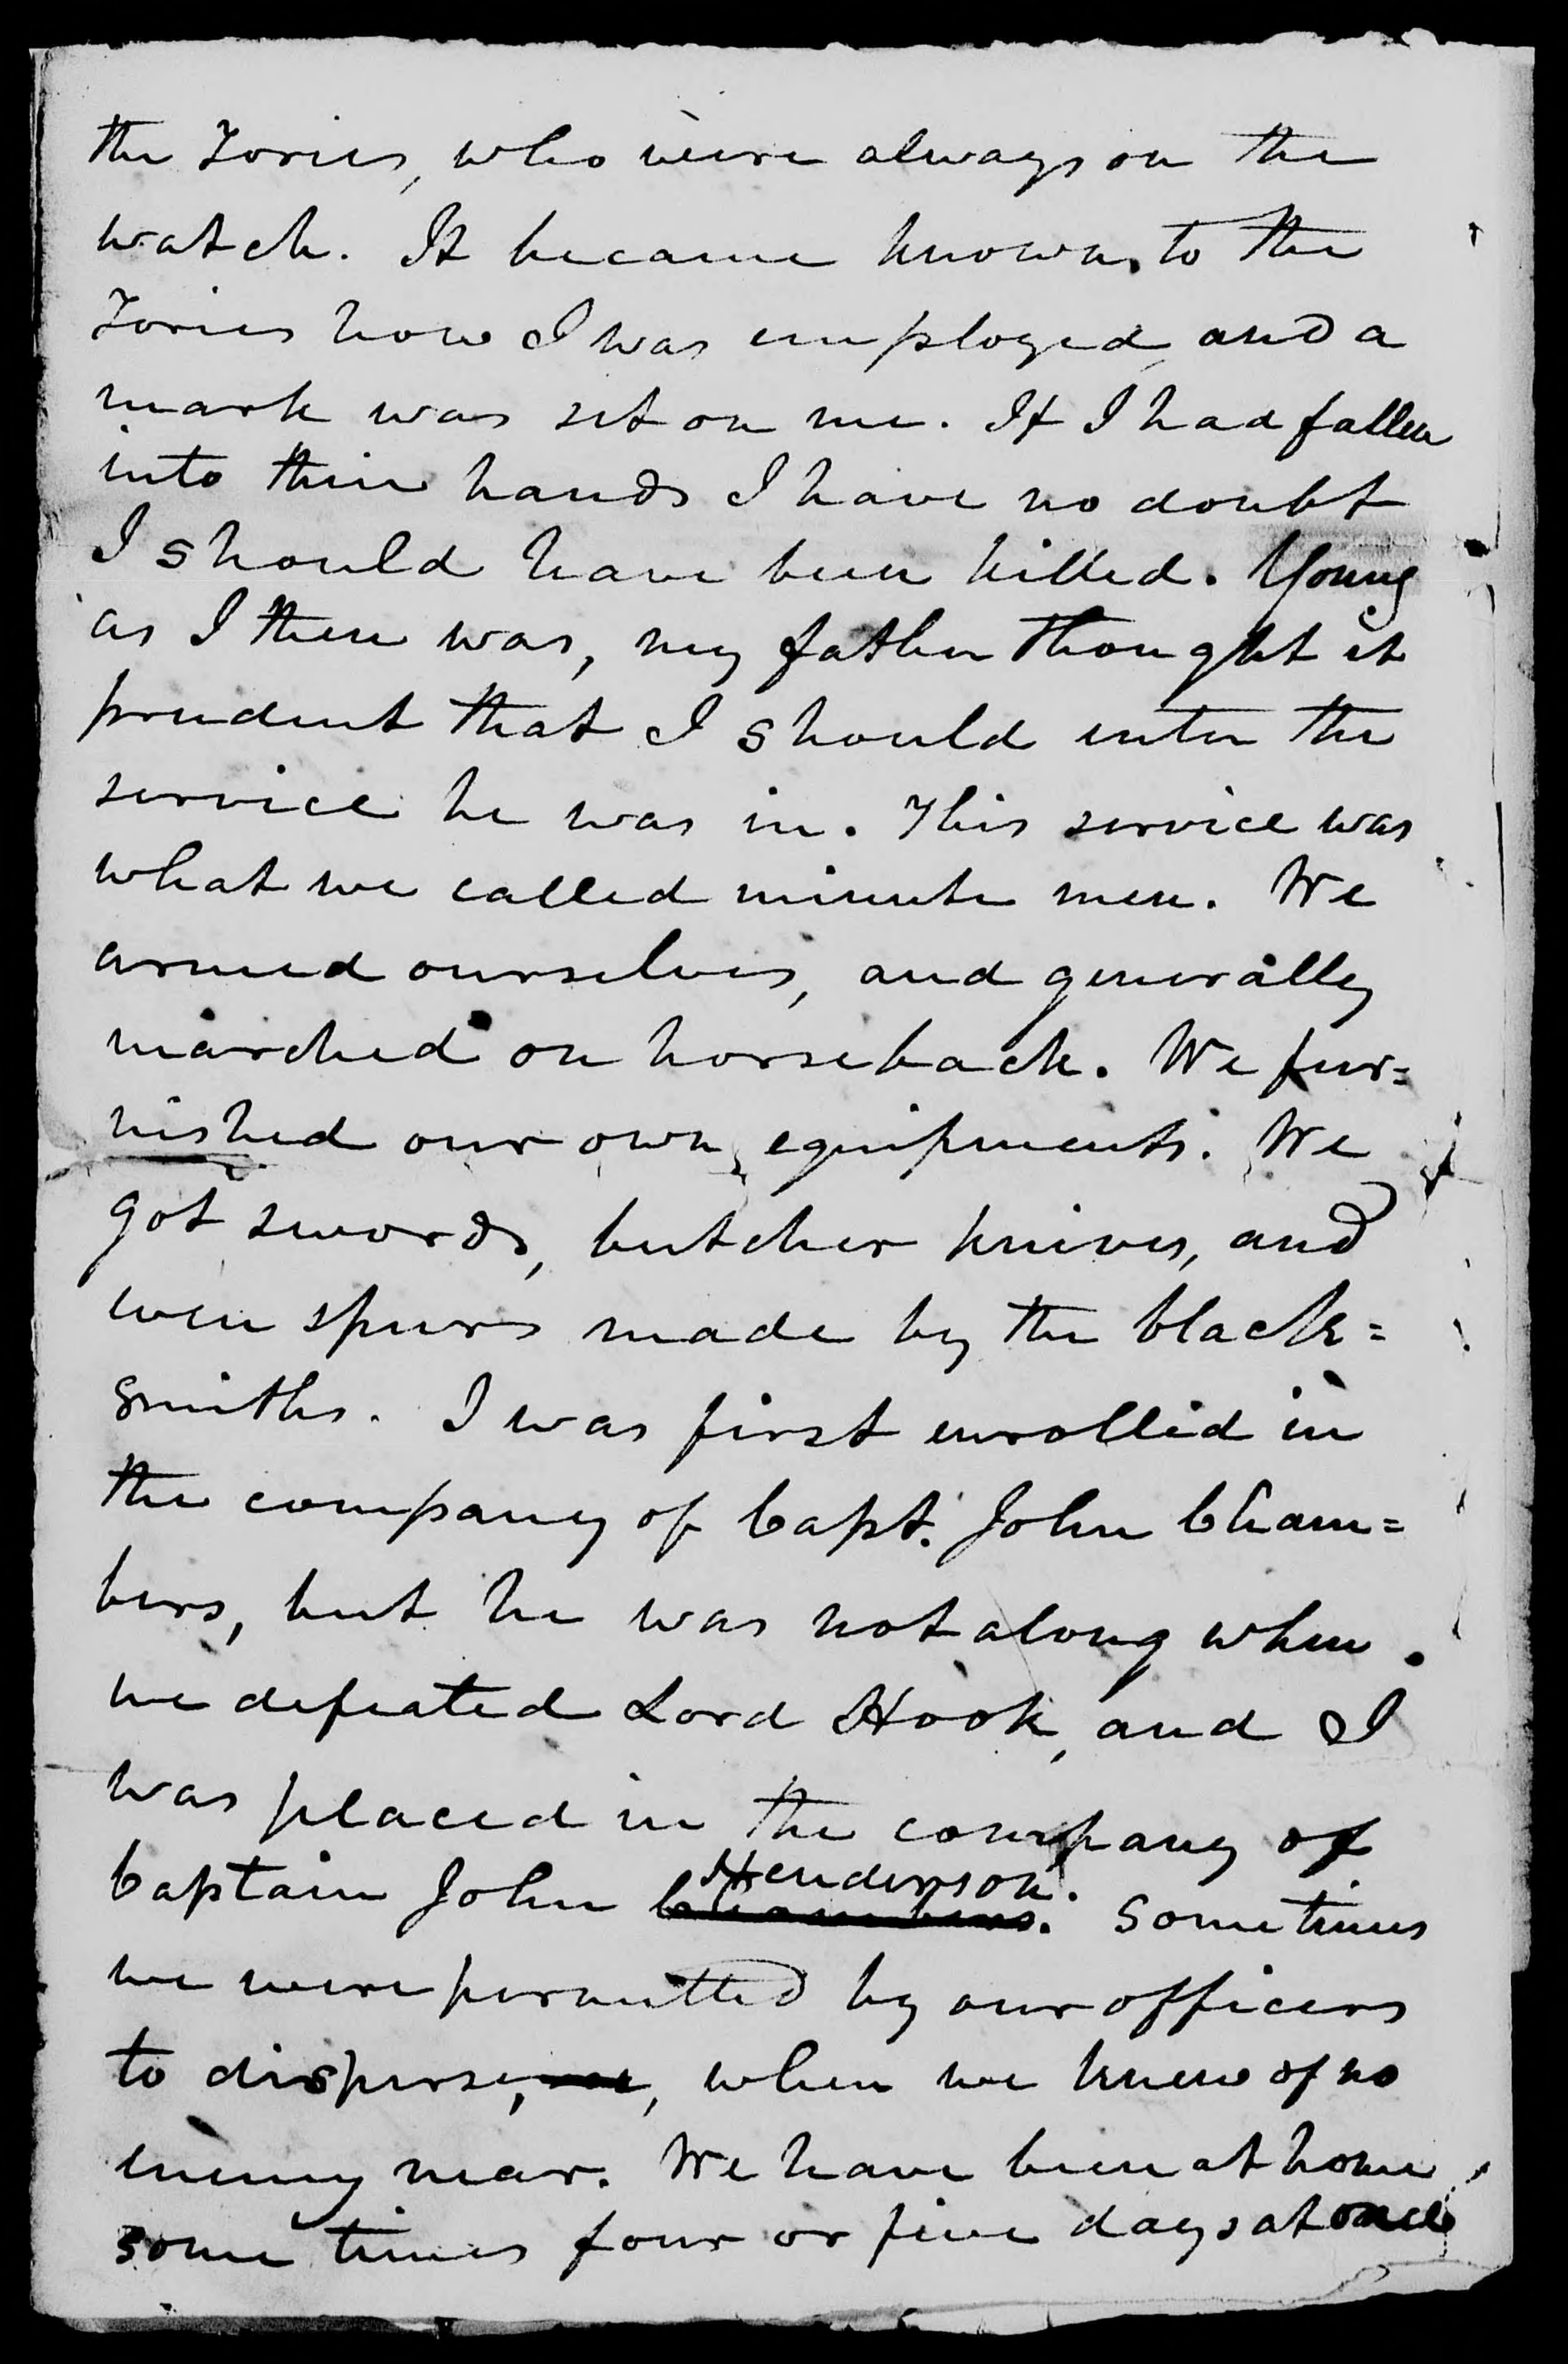the Tories, who were always on the watch. It became known to the Tories how I was employed and a mark was set on me. If I had fallen unto their hands I have no doubt I should have been killed. Young as I then was my father thought it prudent that I should enter the service he was in. This service was what we called minute men. We armed ourselves, and generally marched on horseback. We furnished our own, equipment. We got sword, butcher knives, and even spears made by the blacksmiths, I was first enrolled in the company of Capt John Henderson some times we were permitted by our officers to disperse, when we knew of no enemy near. We have been at home
sometimes four or five days at said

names: Tories, John Henderson, Hook, Tories, John Chambers, Young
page: 11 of 48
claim: rejected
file: R. 2173, James P Collins, S. C.